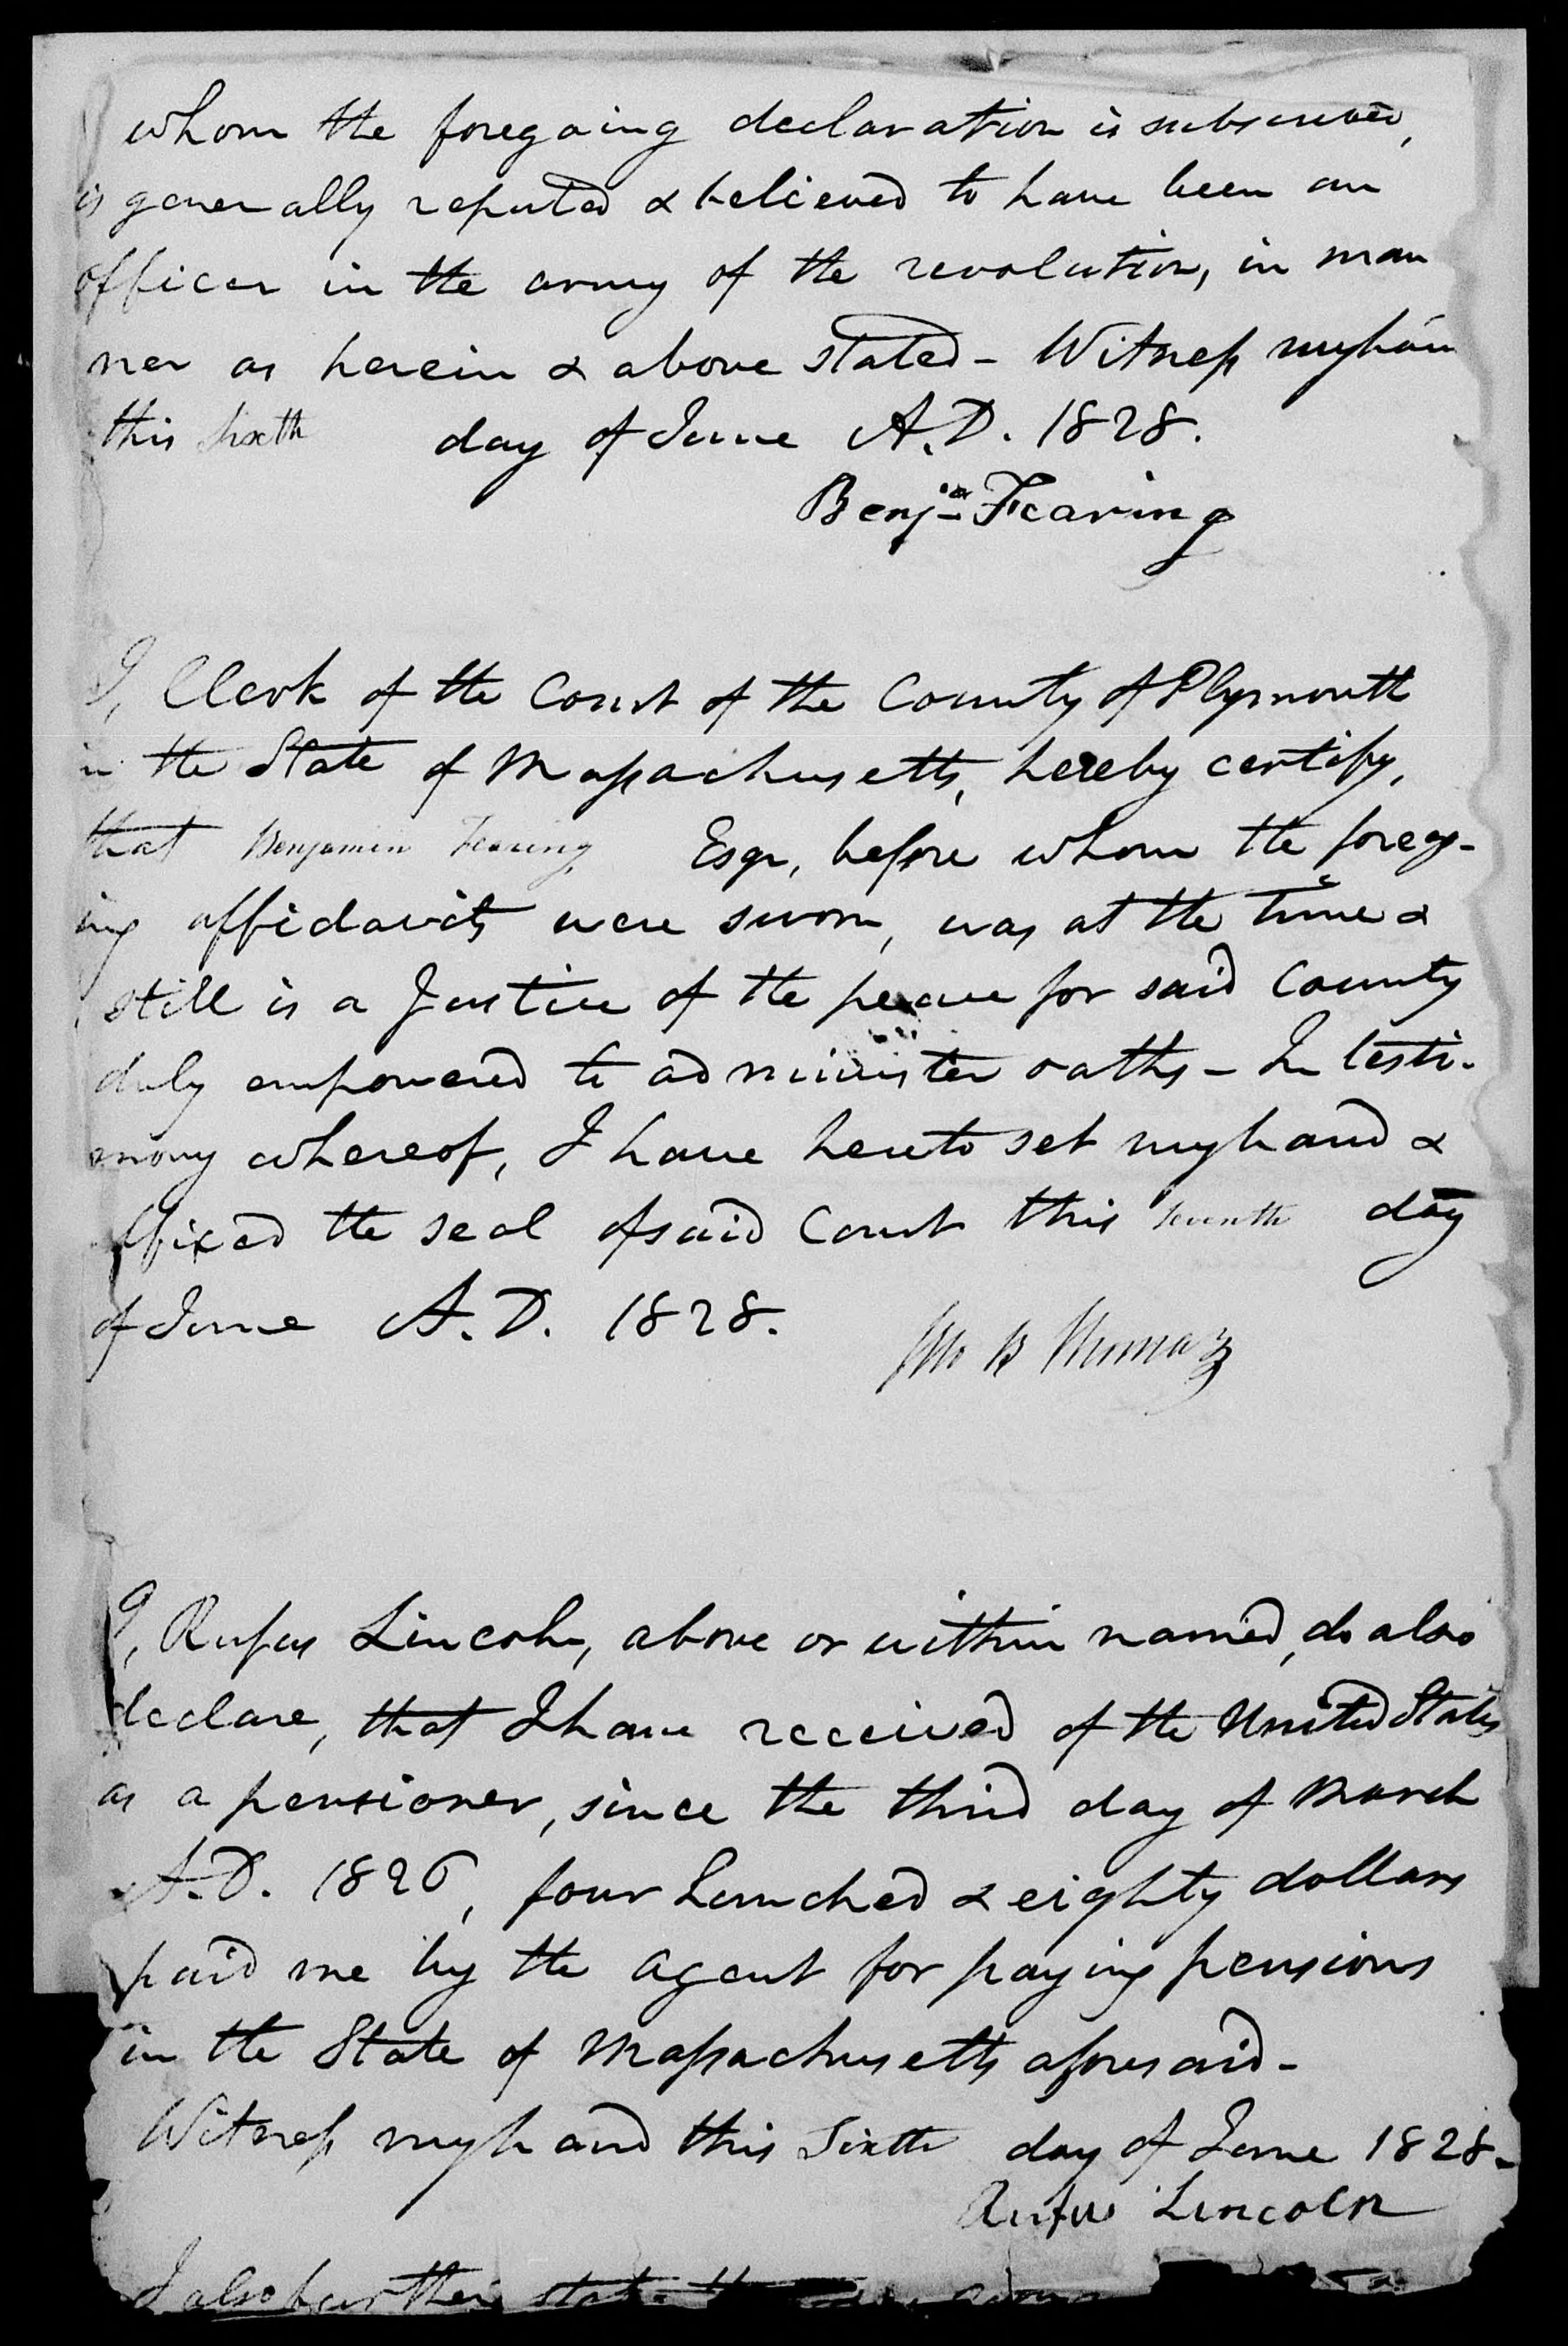whom the foregoing declaration is subscribed
is generally reputed & believed to have been an officer in the army of the revolution, in man
ner as herein & above stated - Witness my hand this sixth day of June A.D. 1828
Benj Fearing


I Clerk of the Court of the County of Plymouth in the State of Massachusetts, hereby certify
that Benjamin Fearing Esqr. before whom the foregoing affidavits were sworn, was at the time & still is a Justice of the peace for said County duly empowered to administer oaths. In testimony whereof, I have hereto set my hand & affixed the seal of said Court this Seventh day of June A.D. 1828.
Jno B Thomas

I Rufus Lincoln, above or within named, do also declare, that I have received of the United States as a pensioner, since the third day of March A.D. 1820 four hundred & eighty dollars
paid me by the agent for paying pensions
in the State of Massachusetts aforesaid-
Witness my hand this sixth day of June 1828
Rufus Lincoln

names: Rufus Lincoln; Jno B Thomas; Benjn Fearing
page: 59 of 82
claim: widow's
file: W. 13,634, for Rufus Lincoln, Massachusetts